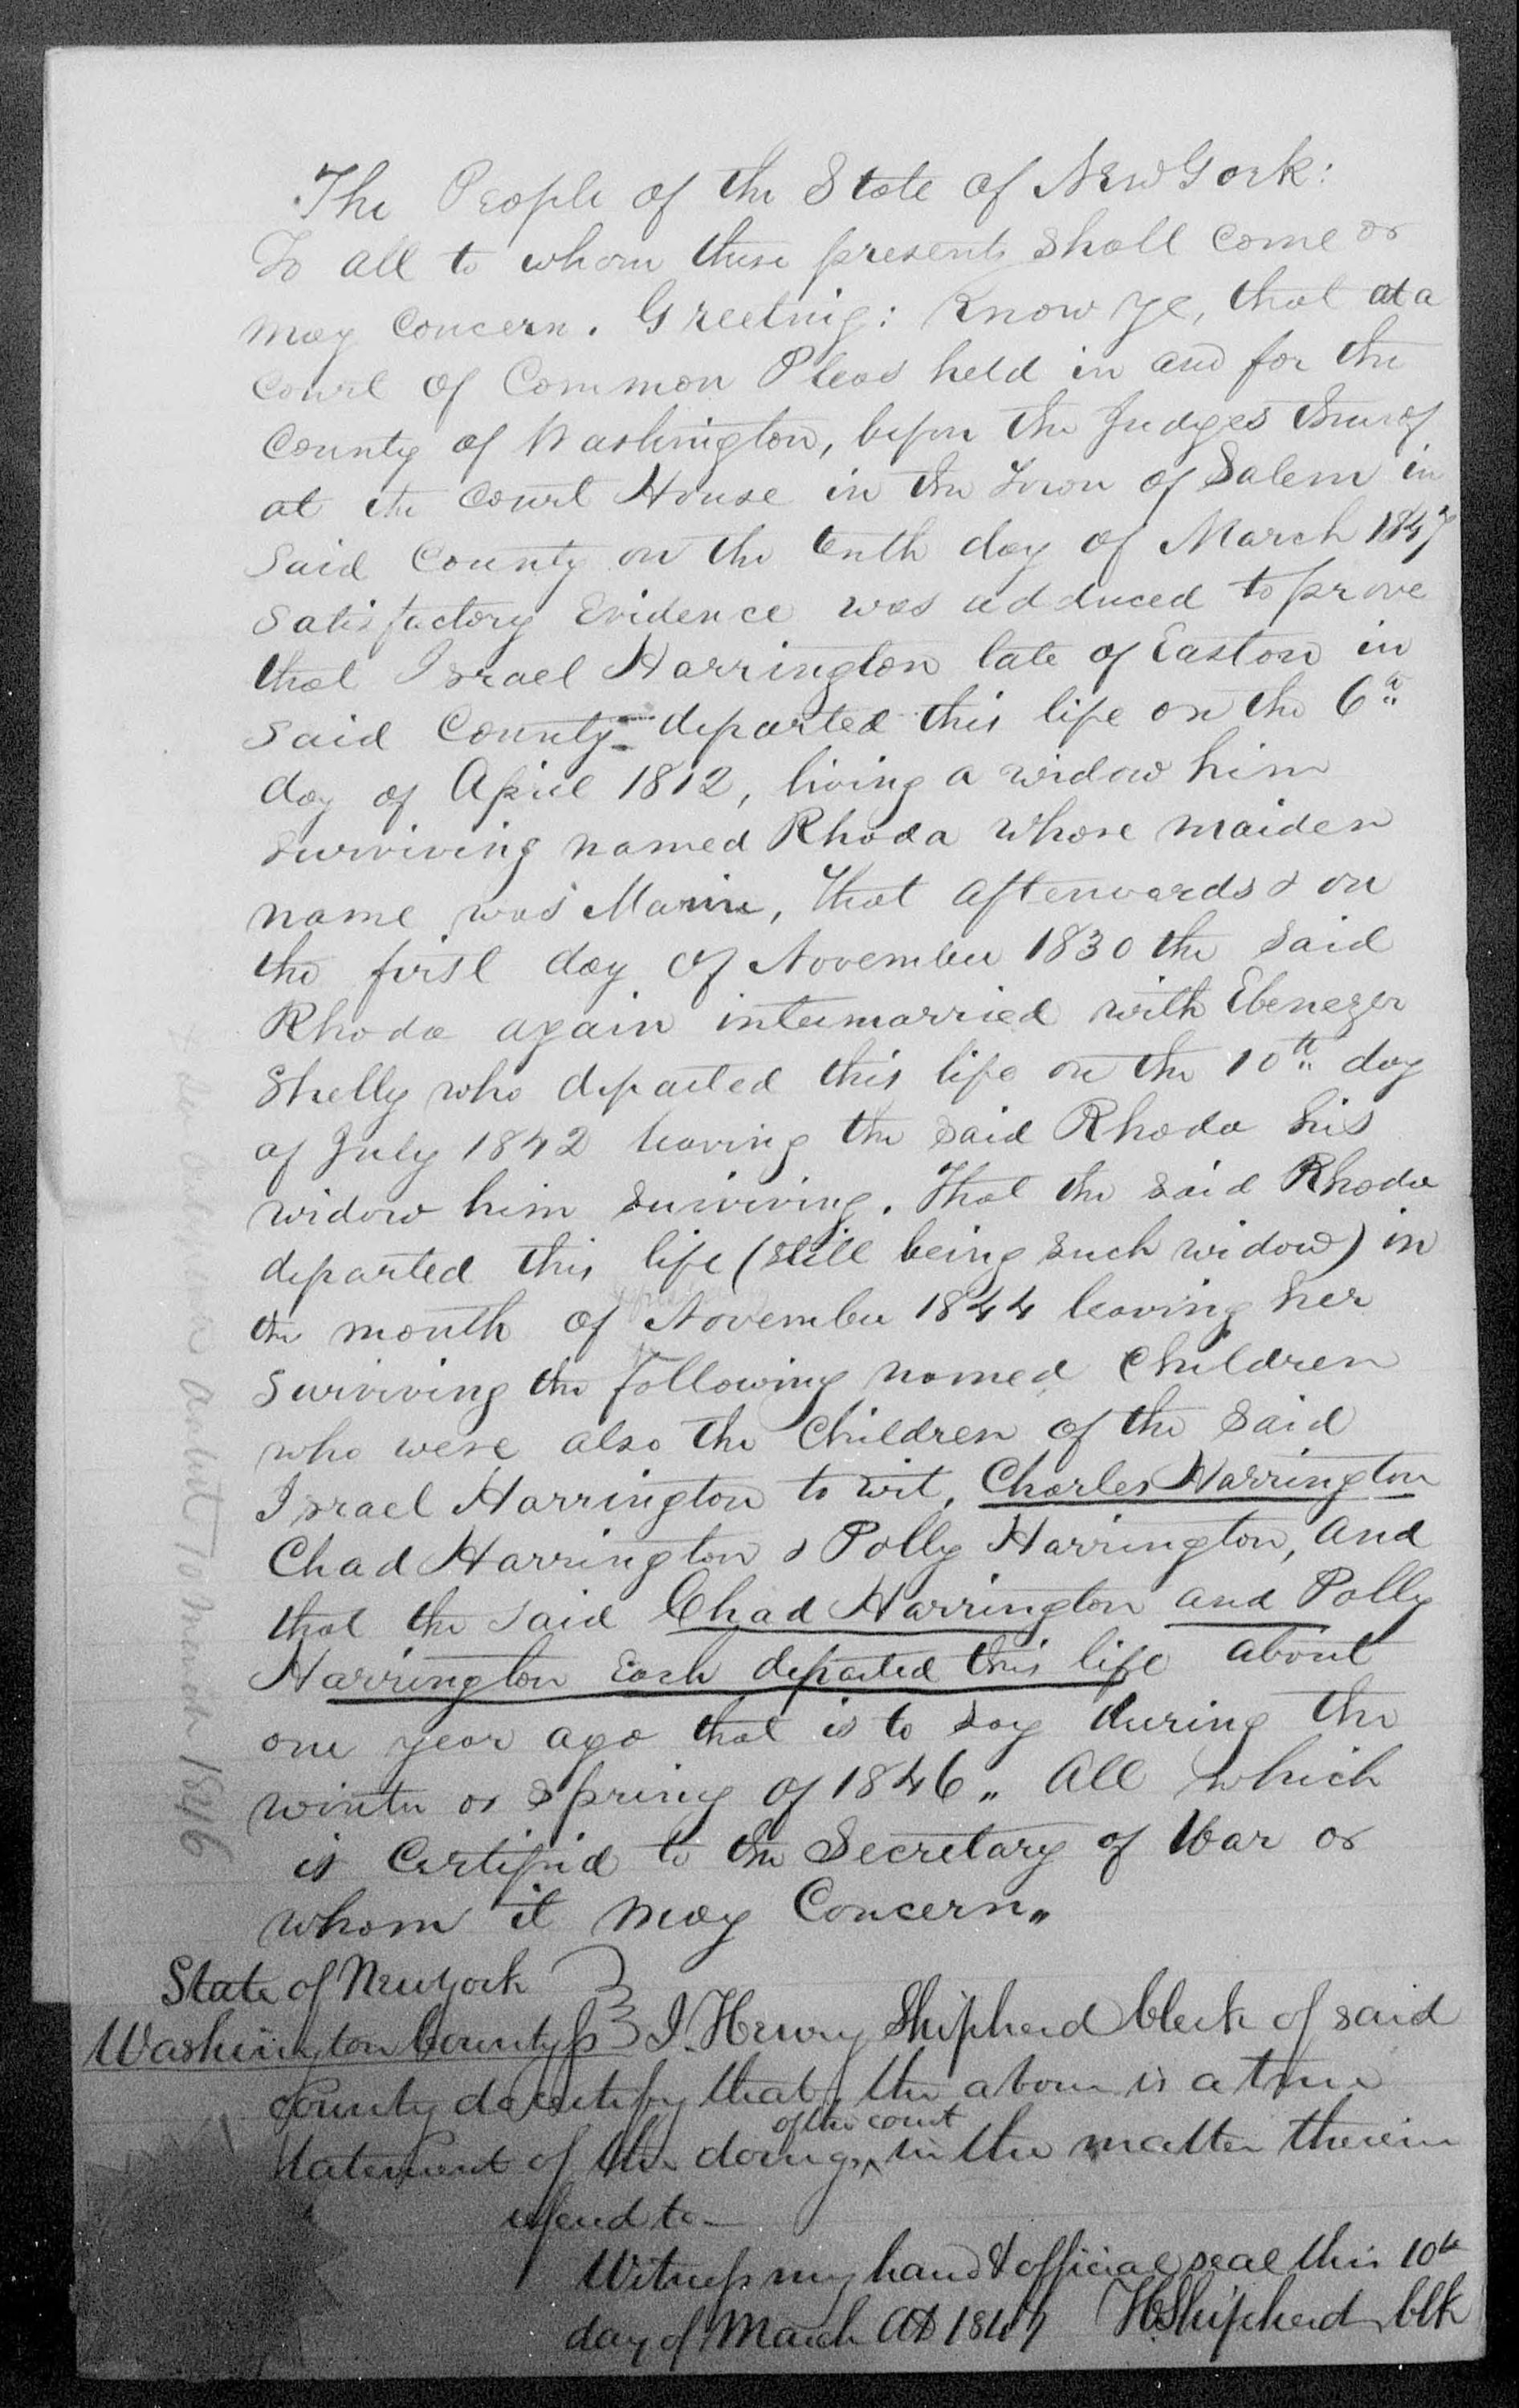The People of the State of New York:

To all to whom these presents shall come or may concern. Greeting: Know ye, that at a Court of Common Pleas held in and for the County of Washington, before the Judges thereof at the Court House in the Town of Salem in said County on the tenth day of March 1847 satisfactory Evidence was adduced to prove that Israel Harrington late of Easton in said County departed this life on the 6th day of April 1812, living [leaving] a widow him surviving named Rhoda whose maiden name was Mann, that afterwards & on the first day of November 1830 the said Rhoda again intermarried with Ebenezer Shelly who departed this life on the 10th day of July 1842 leaving the said Rhoda his widow him surviving. That the said Rhoda departed this life (still being such widow) in the month of November 1844, leaving her surviving the following named children who were also the children of the said Israel Harrington to wit, Charles Harrington Chad Harrington & Polly Harrington, and that the said Chad Harrington and Polly Harrington each departed this life about one year ago that is to say during the winter or spring of 1846. All which is certified to the Secretary of War or whom it may concern.

State of New York
Washington County Ss [flourish bracket] I Henry Shipherd Clerk of said county do certify that the above is a true Statement of the doing of the court in the matter therein refered [referred] to

Witness my hand & official seal this 10th day of March AD 1847
H. Shipherd Clk [Clerk]

[vertical handwritten note in left margin}
[illegible] about 10 March 1846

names: Henry Shipherd, Ebenezer Shelly, Charles Harrington, Polly Harrington, Rhoda, Chad Harrington, Polly Harrington, Israel Harrington, Rhoda, Rhoda, Israel Harrington, H Shipherd, Rhoda, Chad Harrington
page: 50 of 51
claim: widow's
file: W. 19,026, Israel Harrington, R.I.